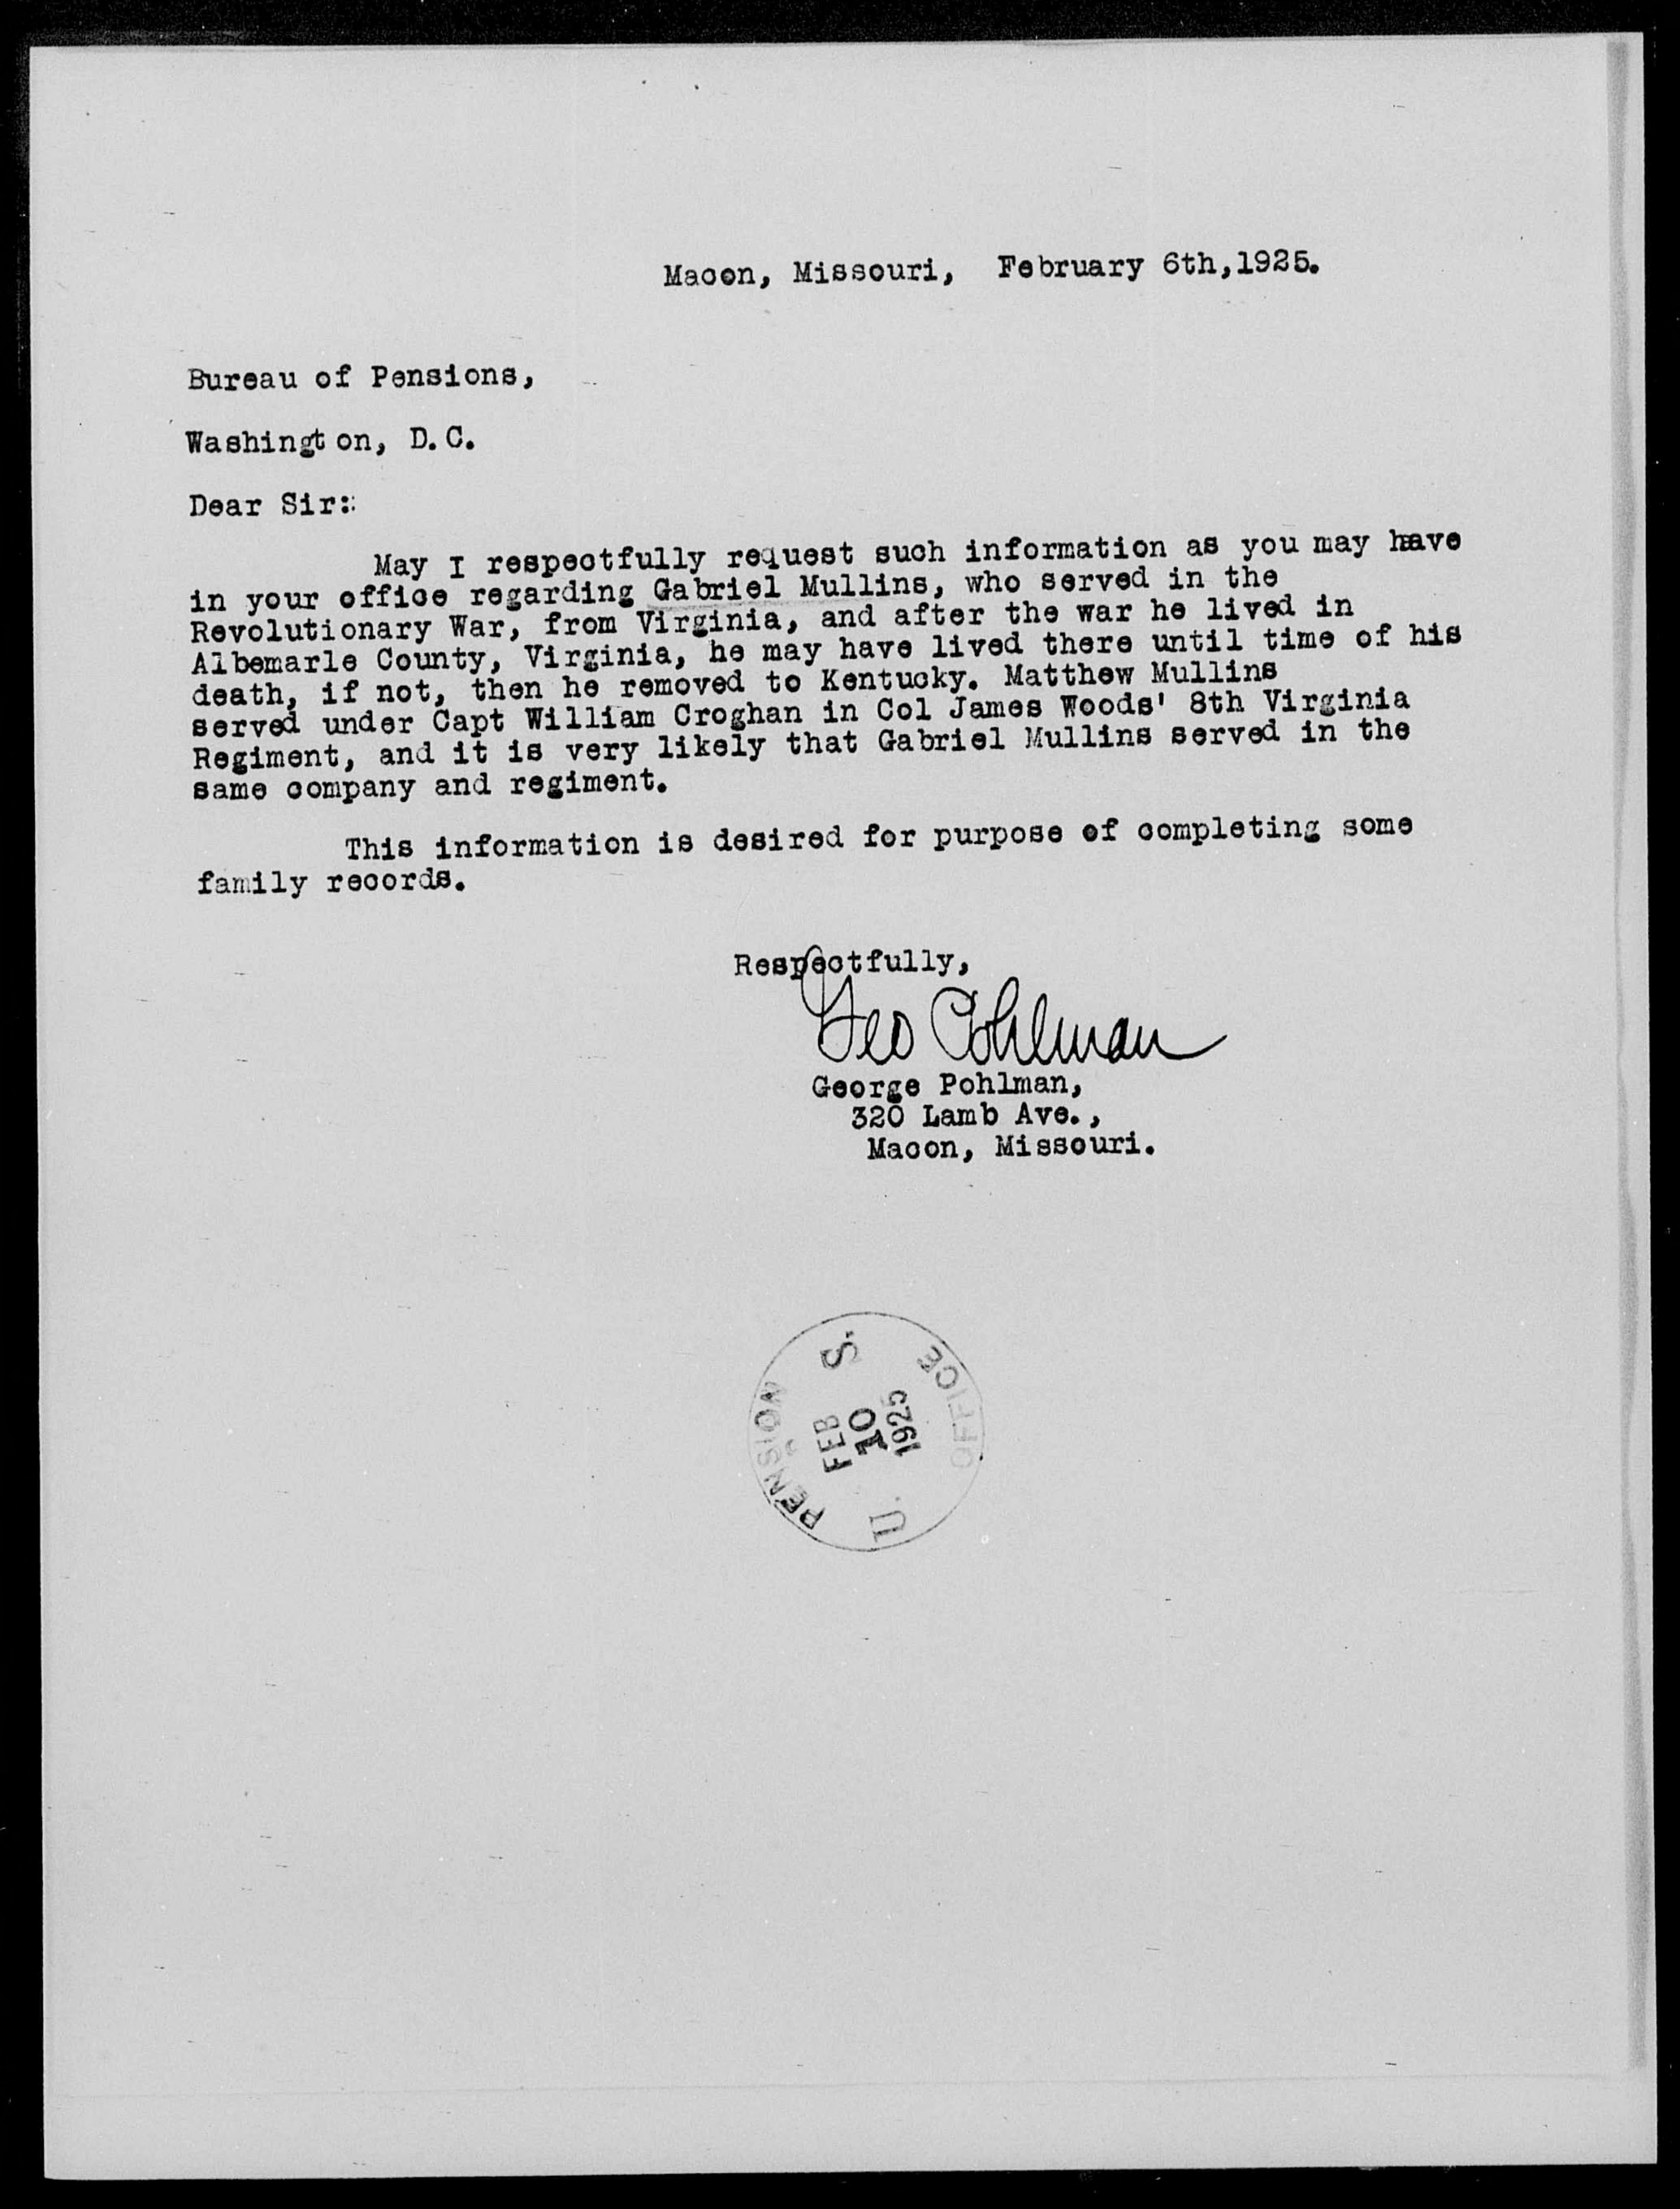Macon, Missouri, February 6th, 1925.
Bureau of Pensions,
Washington, D. C.
Dear Sir:

May I respectfully request such information as you may have
in your office regarding Gabriel Mullins, who served in the
Revolutionary War, from Virginia, and after the war he lived in
Albemarle County, Virginia, he may have lived there until time of his
death, if not, then he removed to Kentucky. Matthew Mullins
served under Capt William Croghan in Col James Woods 8th Virginia
Regiment, and it is very likely that Gabriel Mullins served in the same
company and regiment.
This information is desired for purpose of completing some
family records.
                                            Respectfully,
                          [signature:]  Geo Pohlman
                                                   George Pohlman,
                                                      320 Lamb Ave.,
                                                         Macon, Missouri


                         [stamp:]  U.S. Pension Office Feb 10, 1925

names: William Croghan; George Pohlman; Matthew Mullins; Gabriel Mullins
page: 30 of 34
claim: survivor's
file: S. 30608, for Gabrel Mullins, Virginia